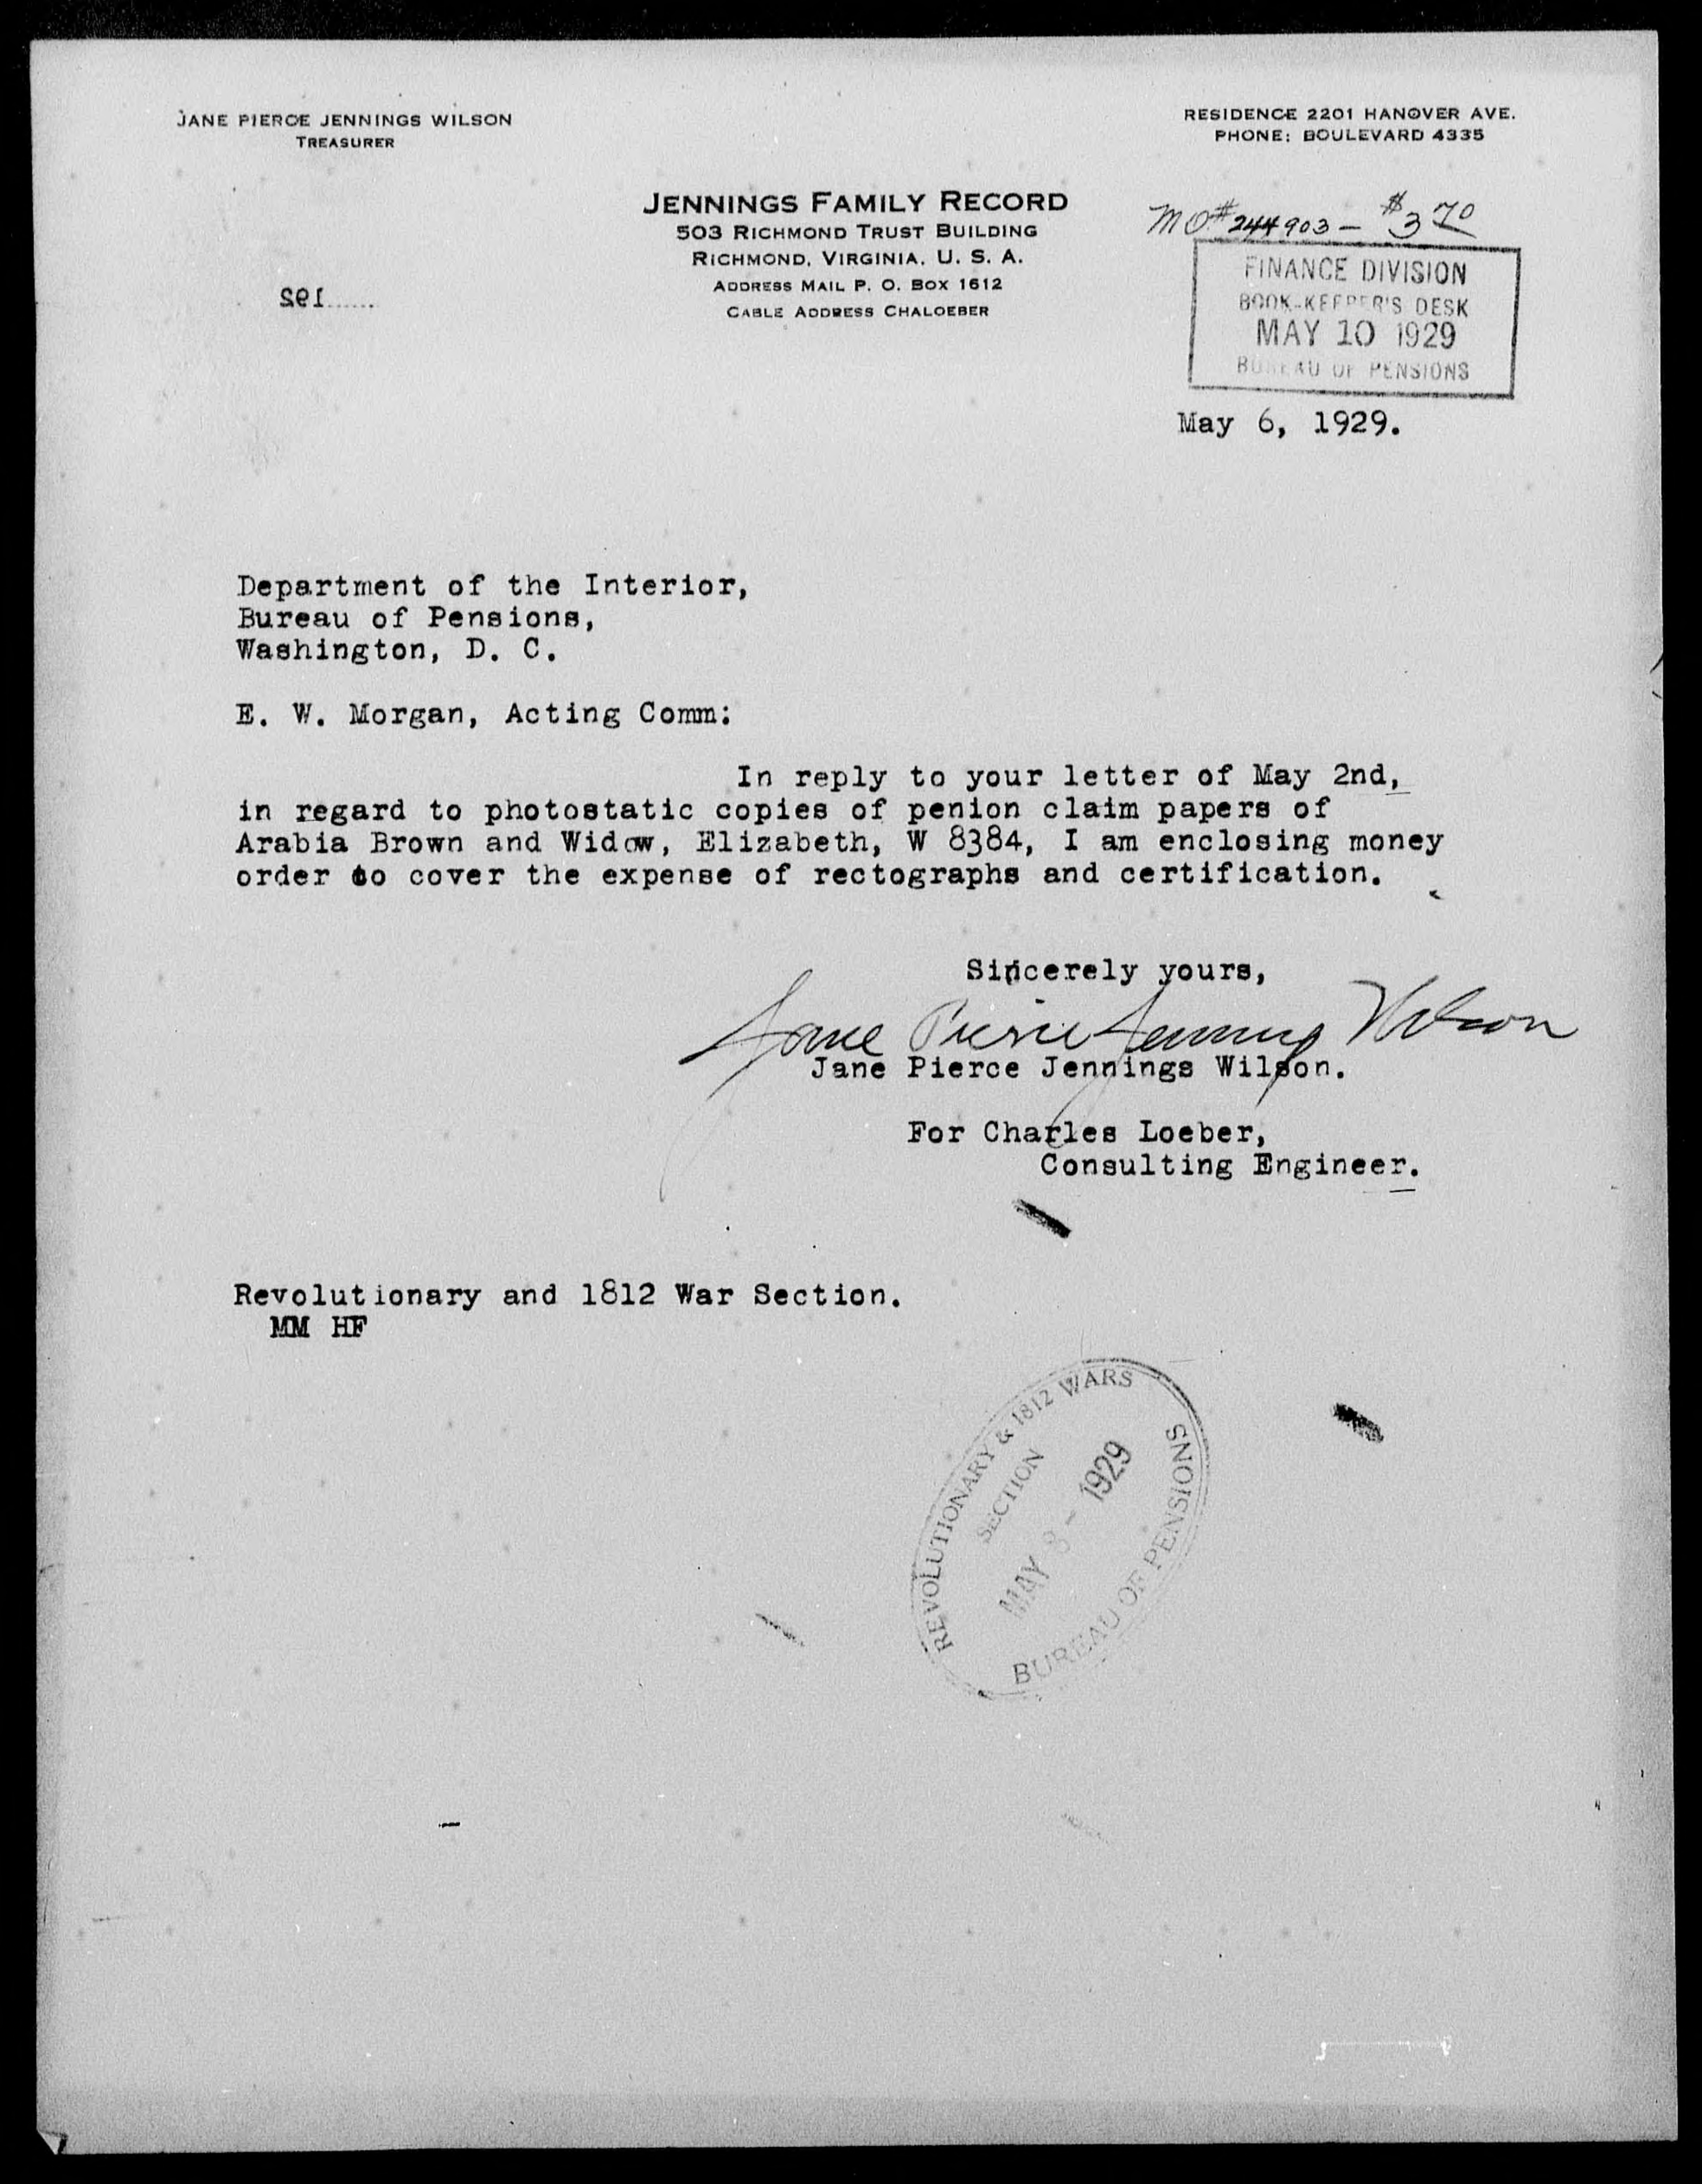Jane Pierce Jennings Wilson
Treasurer
Residence 2201 Hanover Ave.
Phone:  Boulevard 4335

STAMP:
MO# 244903--$3.70
Finance Division 
Book-Keepr's Desk
May 10 1929
Bureau of Pensions

Jennings Family Record
503 Richmond Trust Building
Richmond, Virginia, U.S.A.
Address Mail P.O. Box 1612
Cable address Chaloeber

May 6, 1929

Department of the Interior,
Bureau of Pensions,
Washington, D.C.

E.W. Morgan, Acting Comm:
In reply to your letter of May 2nd,
in regard to photostatic copies of pension claim papers of
Arabia Brown and Widow, Elizabeth, W 8384,
I am enclosing money
order to cover the expense of rectographs and
certification.

Sincerely yours,
Jane Pierce Jennings Wilson.

For Charles Loeber,
Consulting Engineer.

Revolutionary and 1812 War Section.
MM HF

STAMP: 
Revolutionary & 1812 Wars 
Section
May 8 - 1929
Bureau of Pensions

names: Charles Loeber, Jane Pierce Jennings Wilson, Jane Pierce Jennings Wilson, E W Morgan, Jane Pierce Jennings Wilson, Elizabeth, Arabia Brown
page: 32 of 65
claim: widow's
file: W. 8384, Arabia Brown, Va.